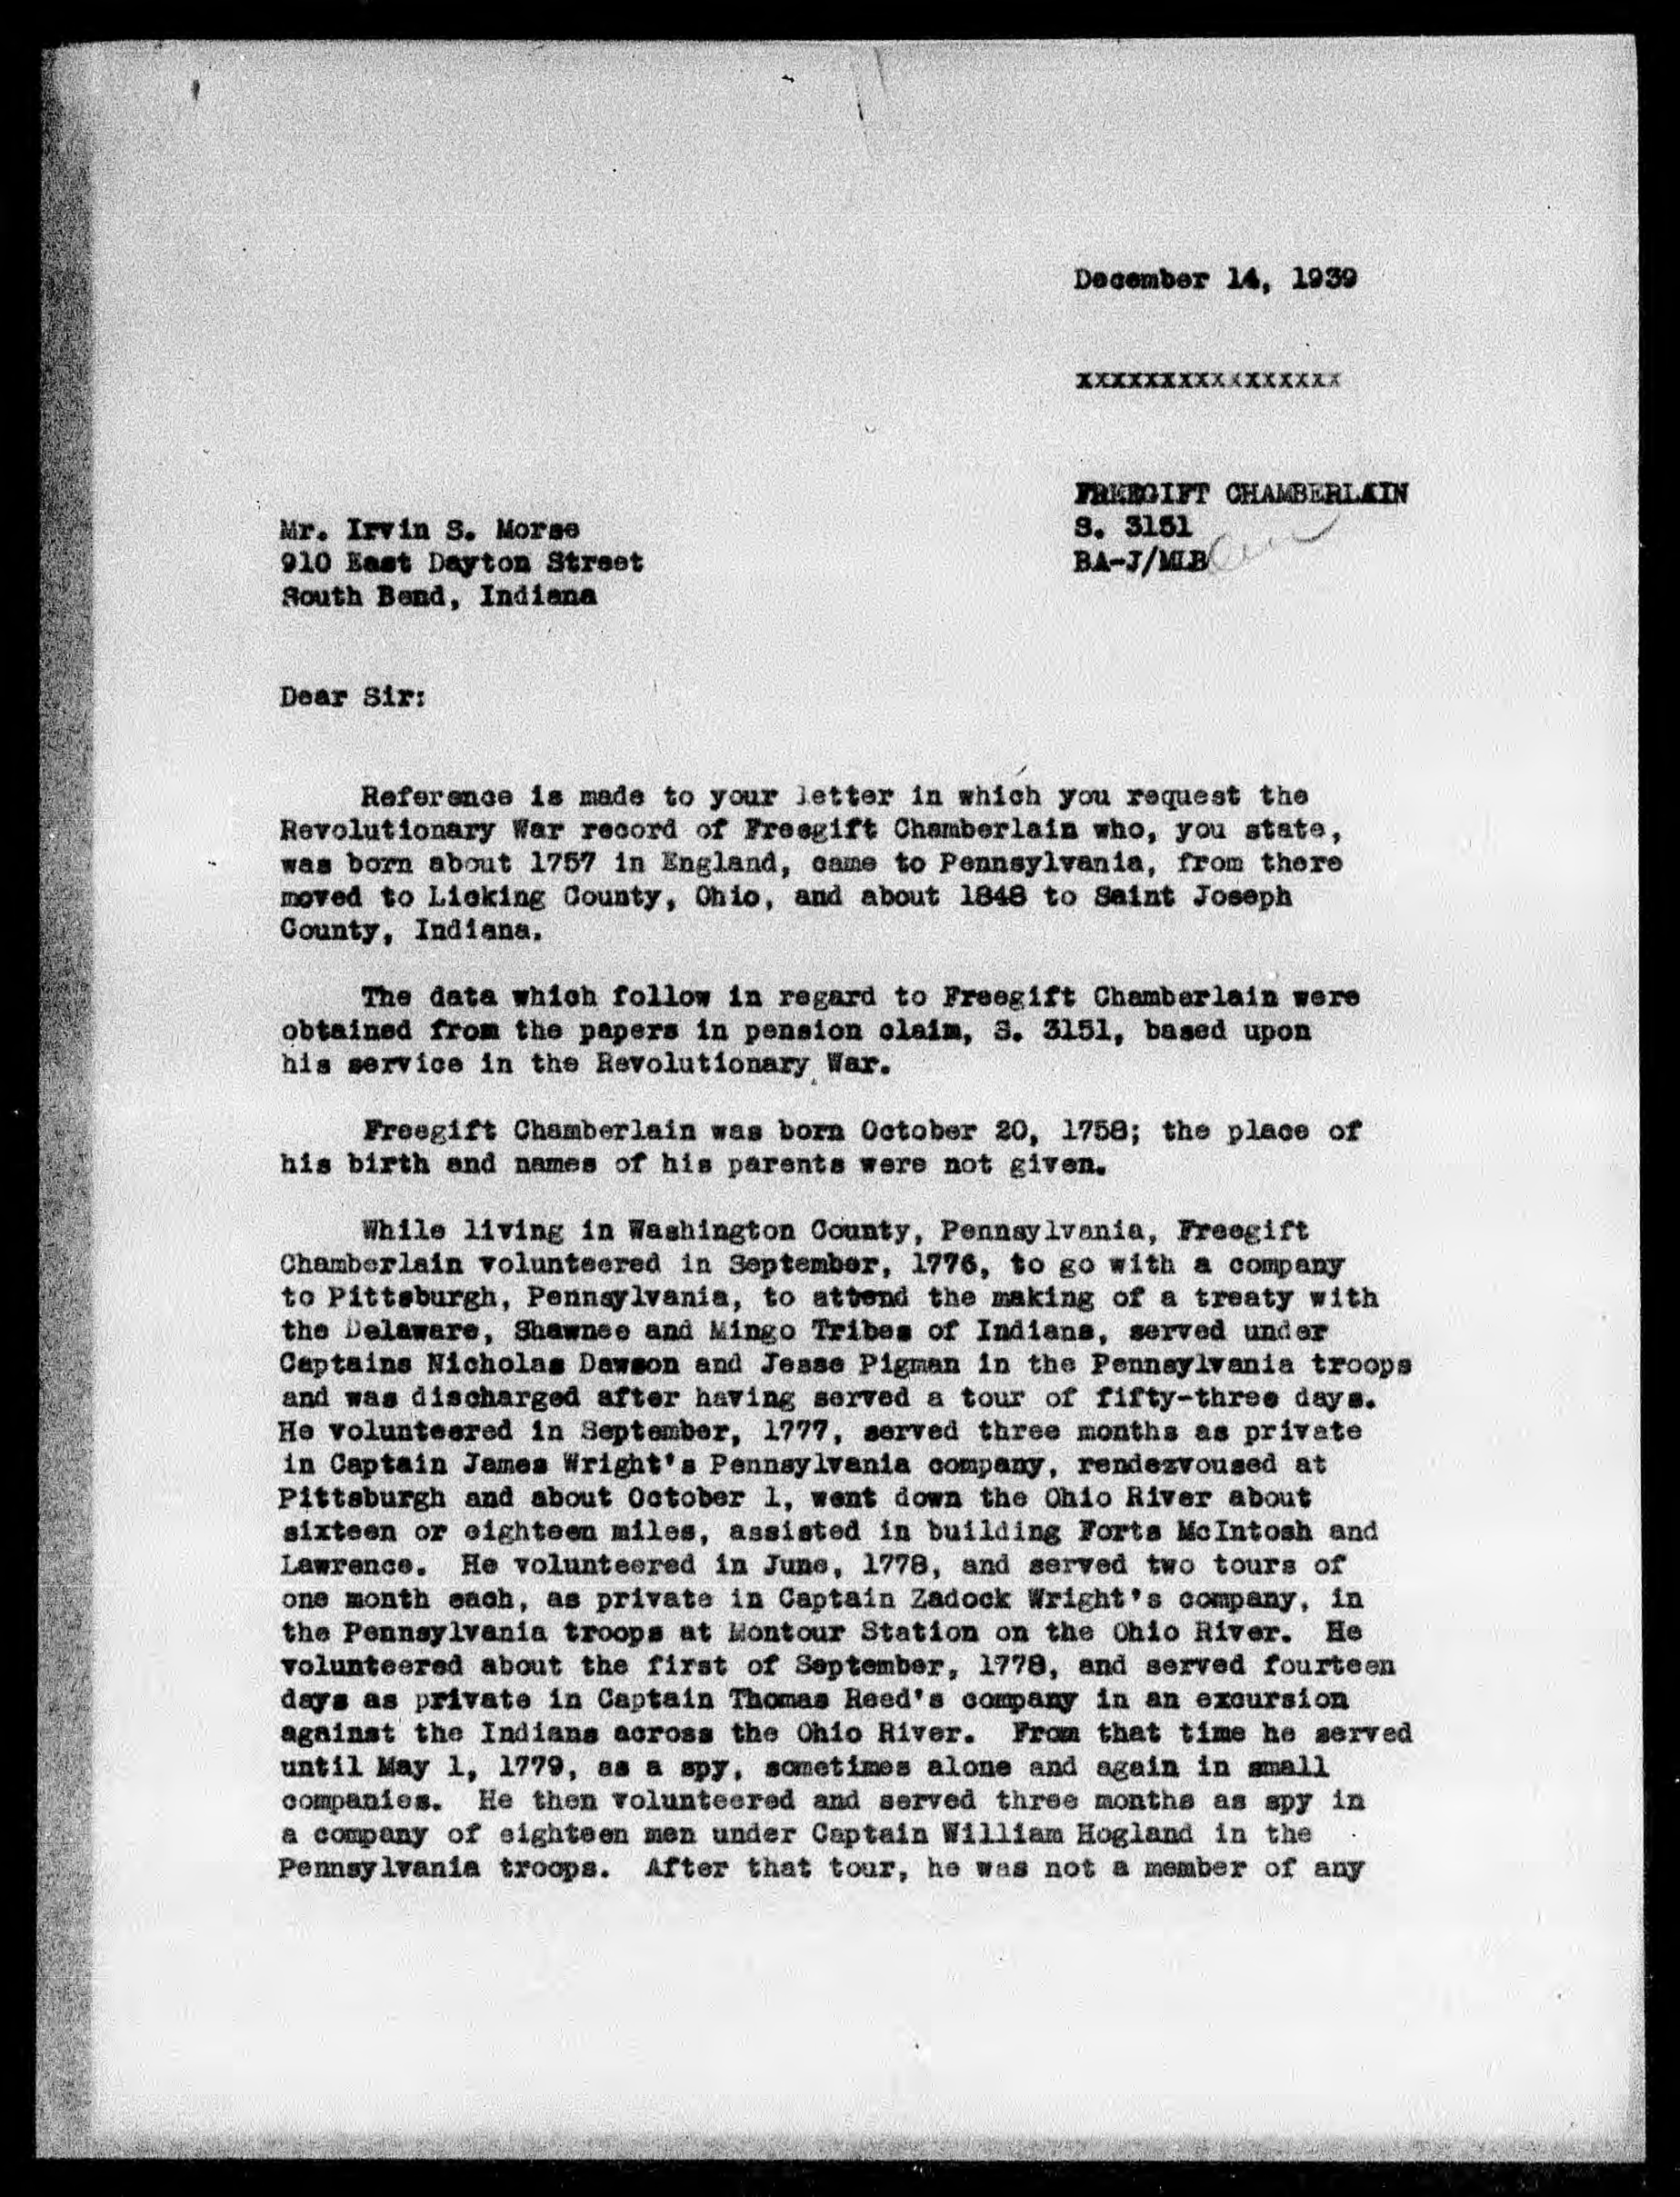December 14, 1939 
FREEGIFT CHAMBERLAIN 
S. 3151 
BA-J/MLB 
Mr. Irvin S. Morse 
910 East Dayton Street 
South Bend, Indiana 
Dear Sir: 
Reference is made to your letter in which you request the Revolutionary War record of Freegift Chamberlain who, you state, was born about 1757 in England, came to Pennsylvania, from there moved to Licking County, Indiana.
The data which follow in regard to Freegift Chamberlain were obtained from the papers in pension claim, S. 3151, based upon his service in the Revolutionary War.  
Freegift Chamberlain was born October 20, 1758; the place of his birth and names of his parents were not given.   
While living in Washington County, Pennsylvania, Freegift Chamberlain volunteered in September, 1776, to go with a company to Pittsburgh, Pennsylvania, to attend the making of a treaty with the Delaware, Shawnee and Mingo Tribes of Indiana, served under Captain Nicholas Dawson and Jesse Pigman in the Pennsylvania troops and was discharged after having served a tour of fifty-three days. He volunteered in September, 1777, served three months as private in Captain James Wright's Pennsylvania company, rendezvoused at Pittsburgh and about October 1, went down the Ohio River about sixteen or eighteen miles, assisted in building Forts McIntosh and Lawrence. He volunteered in June, 1778, and served two tours of one month each, as private in Captain Zadock Wright's company, in the Pennsylvania troops at Montour Station on the Ohio River. He volunteered about the first of September, 1778, and served fourteen days as private in Captain Thomas Reed's company in an excursion against the Indians across the Ohio River. From that time he served until May 1, 1779, as a spy, sometimes alone and again in small companies. He then volunteered and served three months as spy in a company of eighteen men under Captain William Hogland in the Pennsylvania troops. After that tour, he was not a member of any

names: Freegift Chamberlain, William Hogland, Freegift Chamberlain, Freegift Chamberlain, Freegift Chamberlain, Jesse Pigman, Irvin S Morse, Freegift Chamberlain, Nicholas Dawson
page: 10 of 18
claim: survivor's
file: S. 3151, Freegift Chamberlain, Penn.